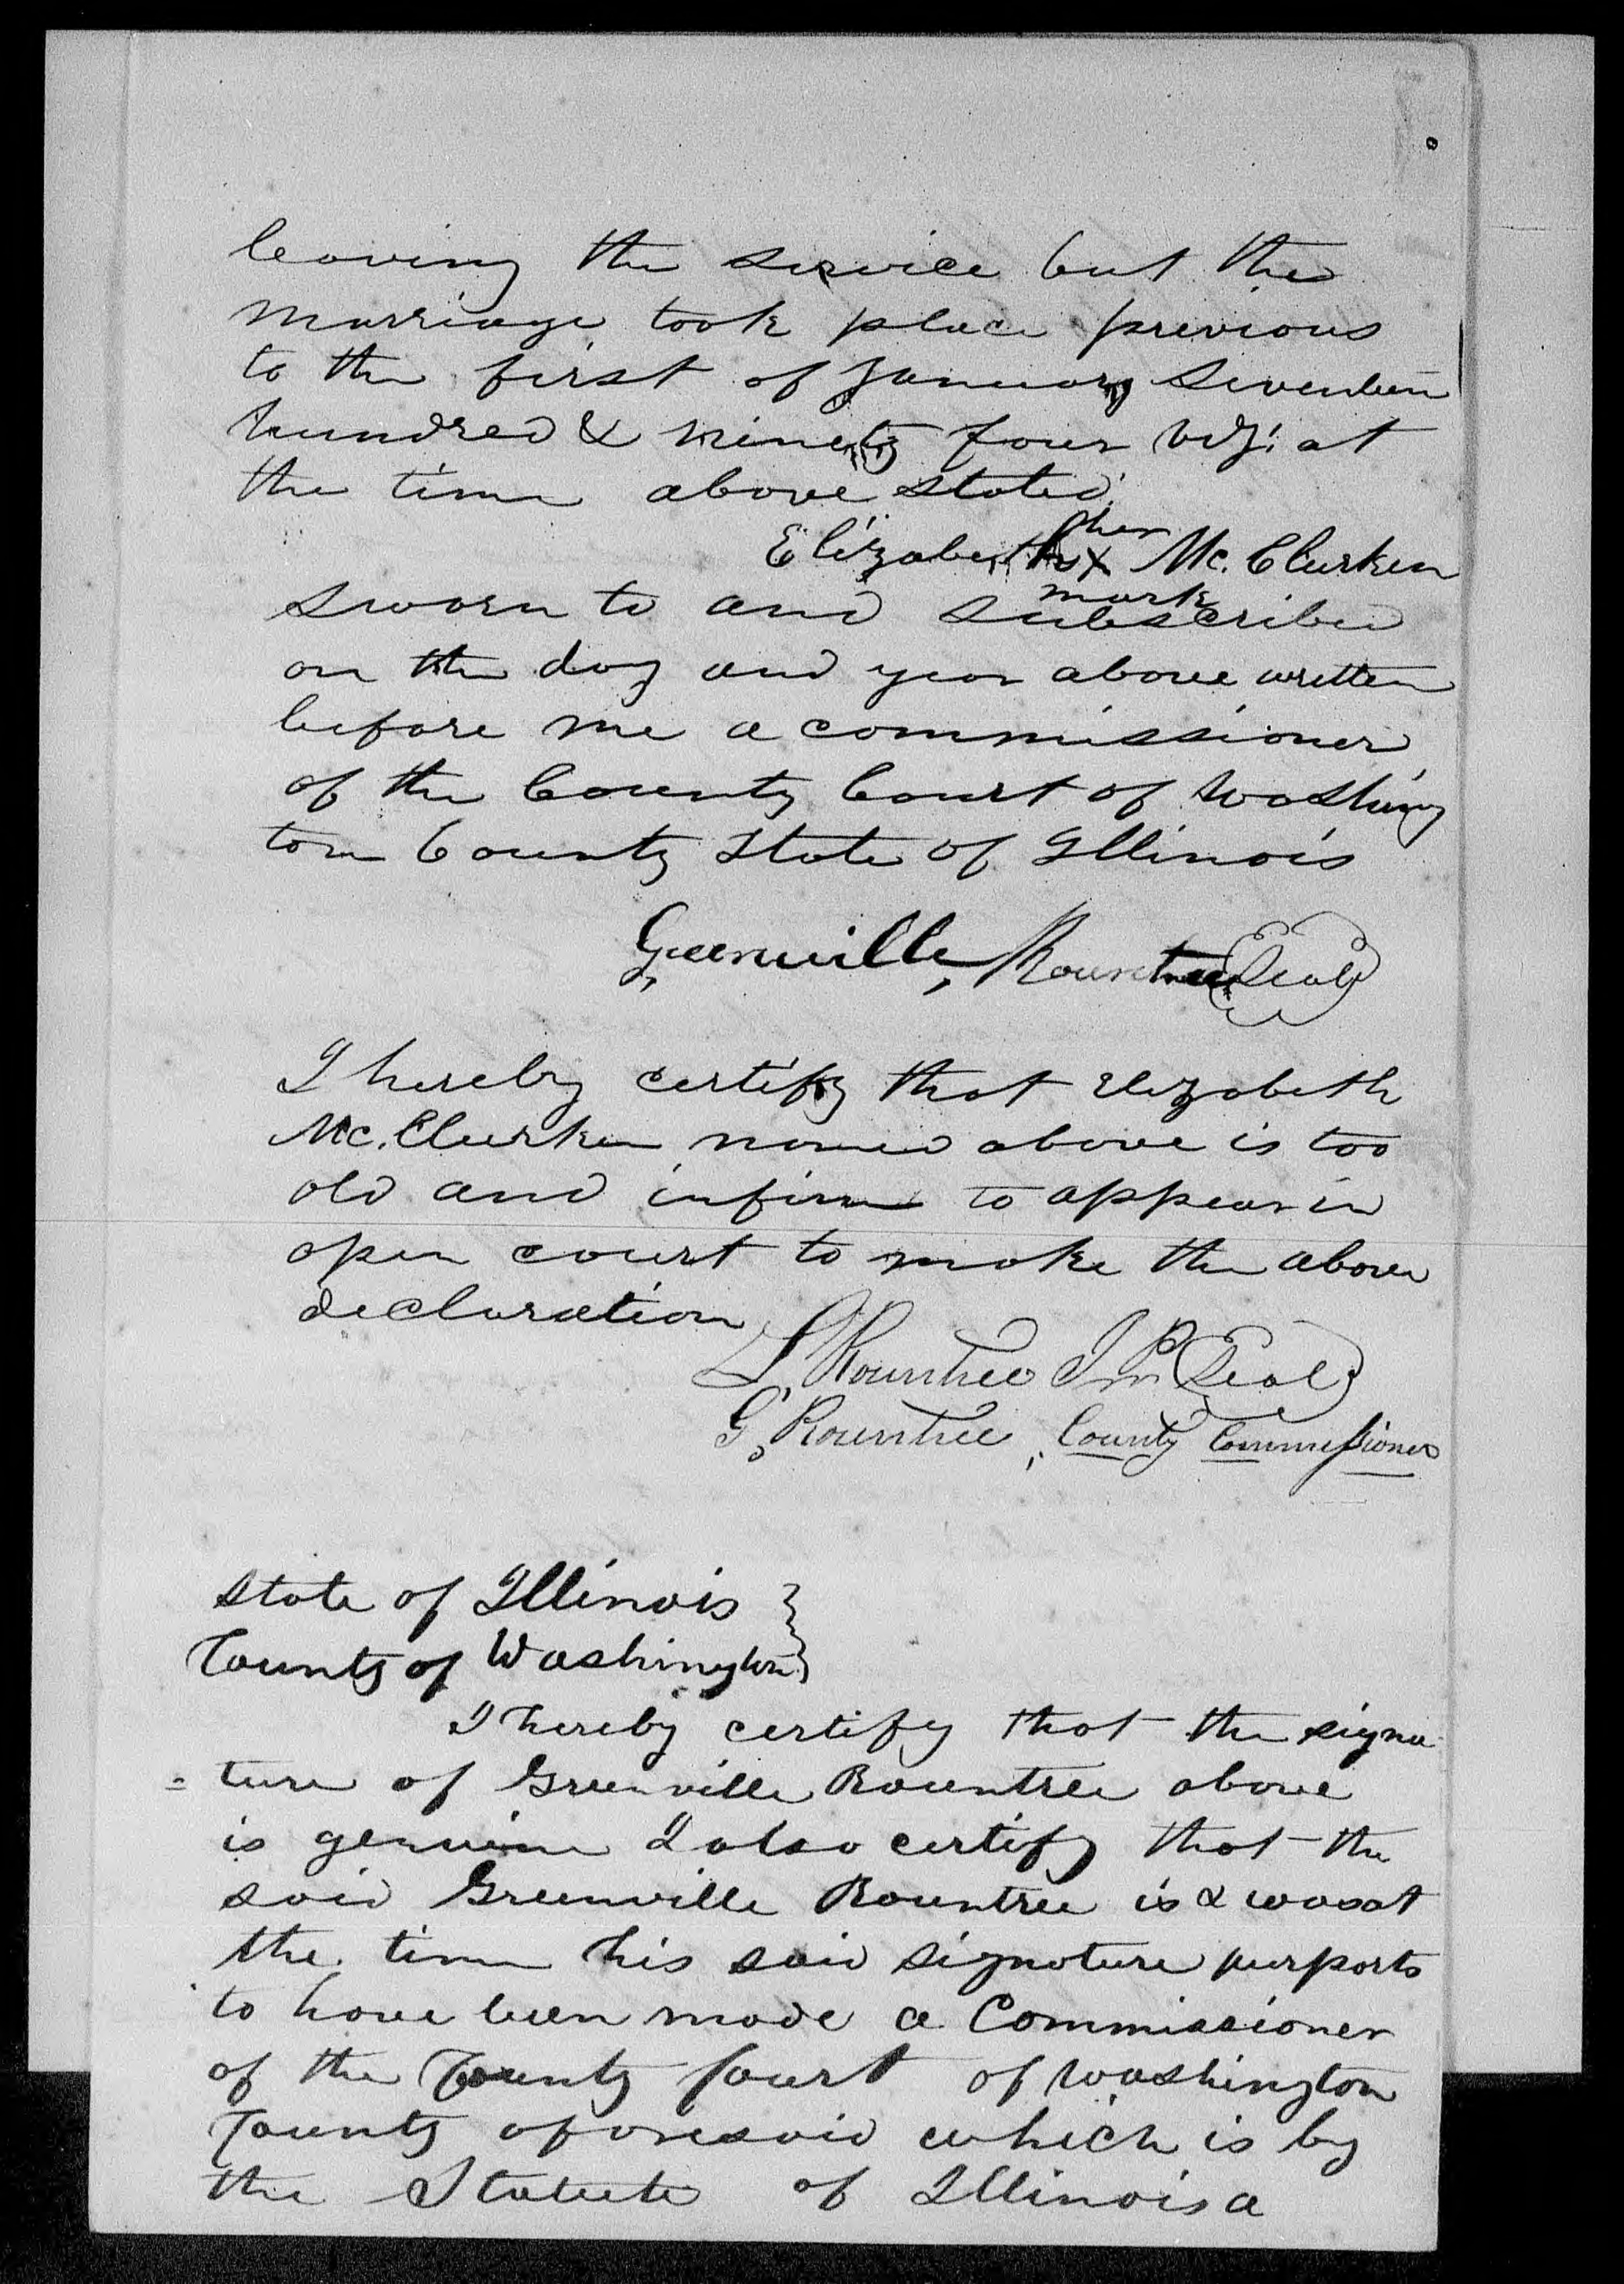leaving the service but the marriage took place previous to the first of January Seventeen hundred & ninety before at the time above stated 
Elizabeth McClurken 
Mark

Sworn to and subscribed 
on the day and year above written 
before me a commissioner of the County Court of Washington 
County State of Illinois 
Greenville, Rountree [seal]

I hereby certify that Elizabeth McClurken named above is too old and infirm to appear in open court to make the above declaration Rountree J.P [Seal} 
Rountree County Commissioner 

State of Illinois} 
County of Washington} 
I hereby certify that the signature of Greenville Rountree above is genuine. I also certify that the said Greenville Rountree is & was at the time his said signature purports to have been move a Commissioner of the County Court of Washington County aforesaid which is by the Statute of Illinois a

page: 7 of 93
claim: widow's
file: W. 21792, for Thomas Mc Clurken, South Carolina